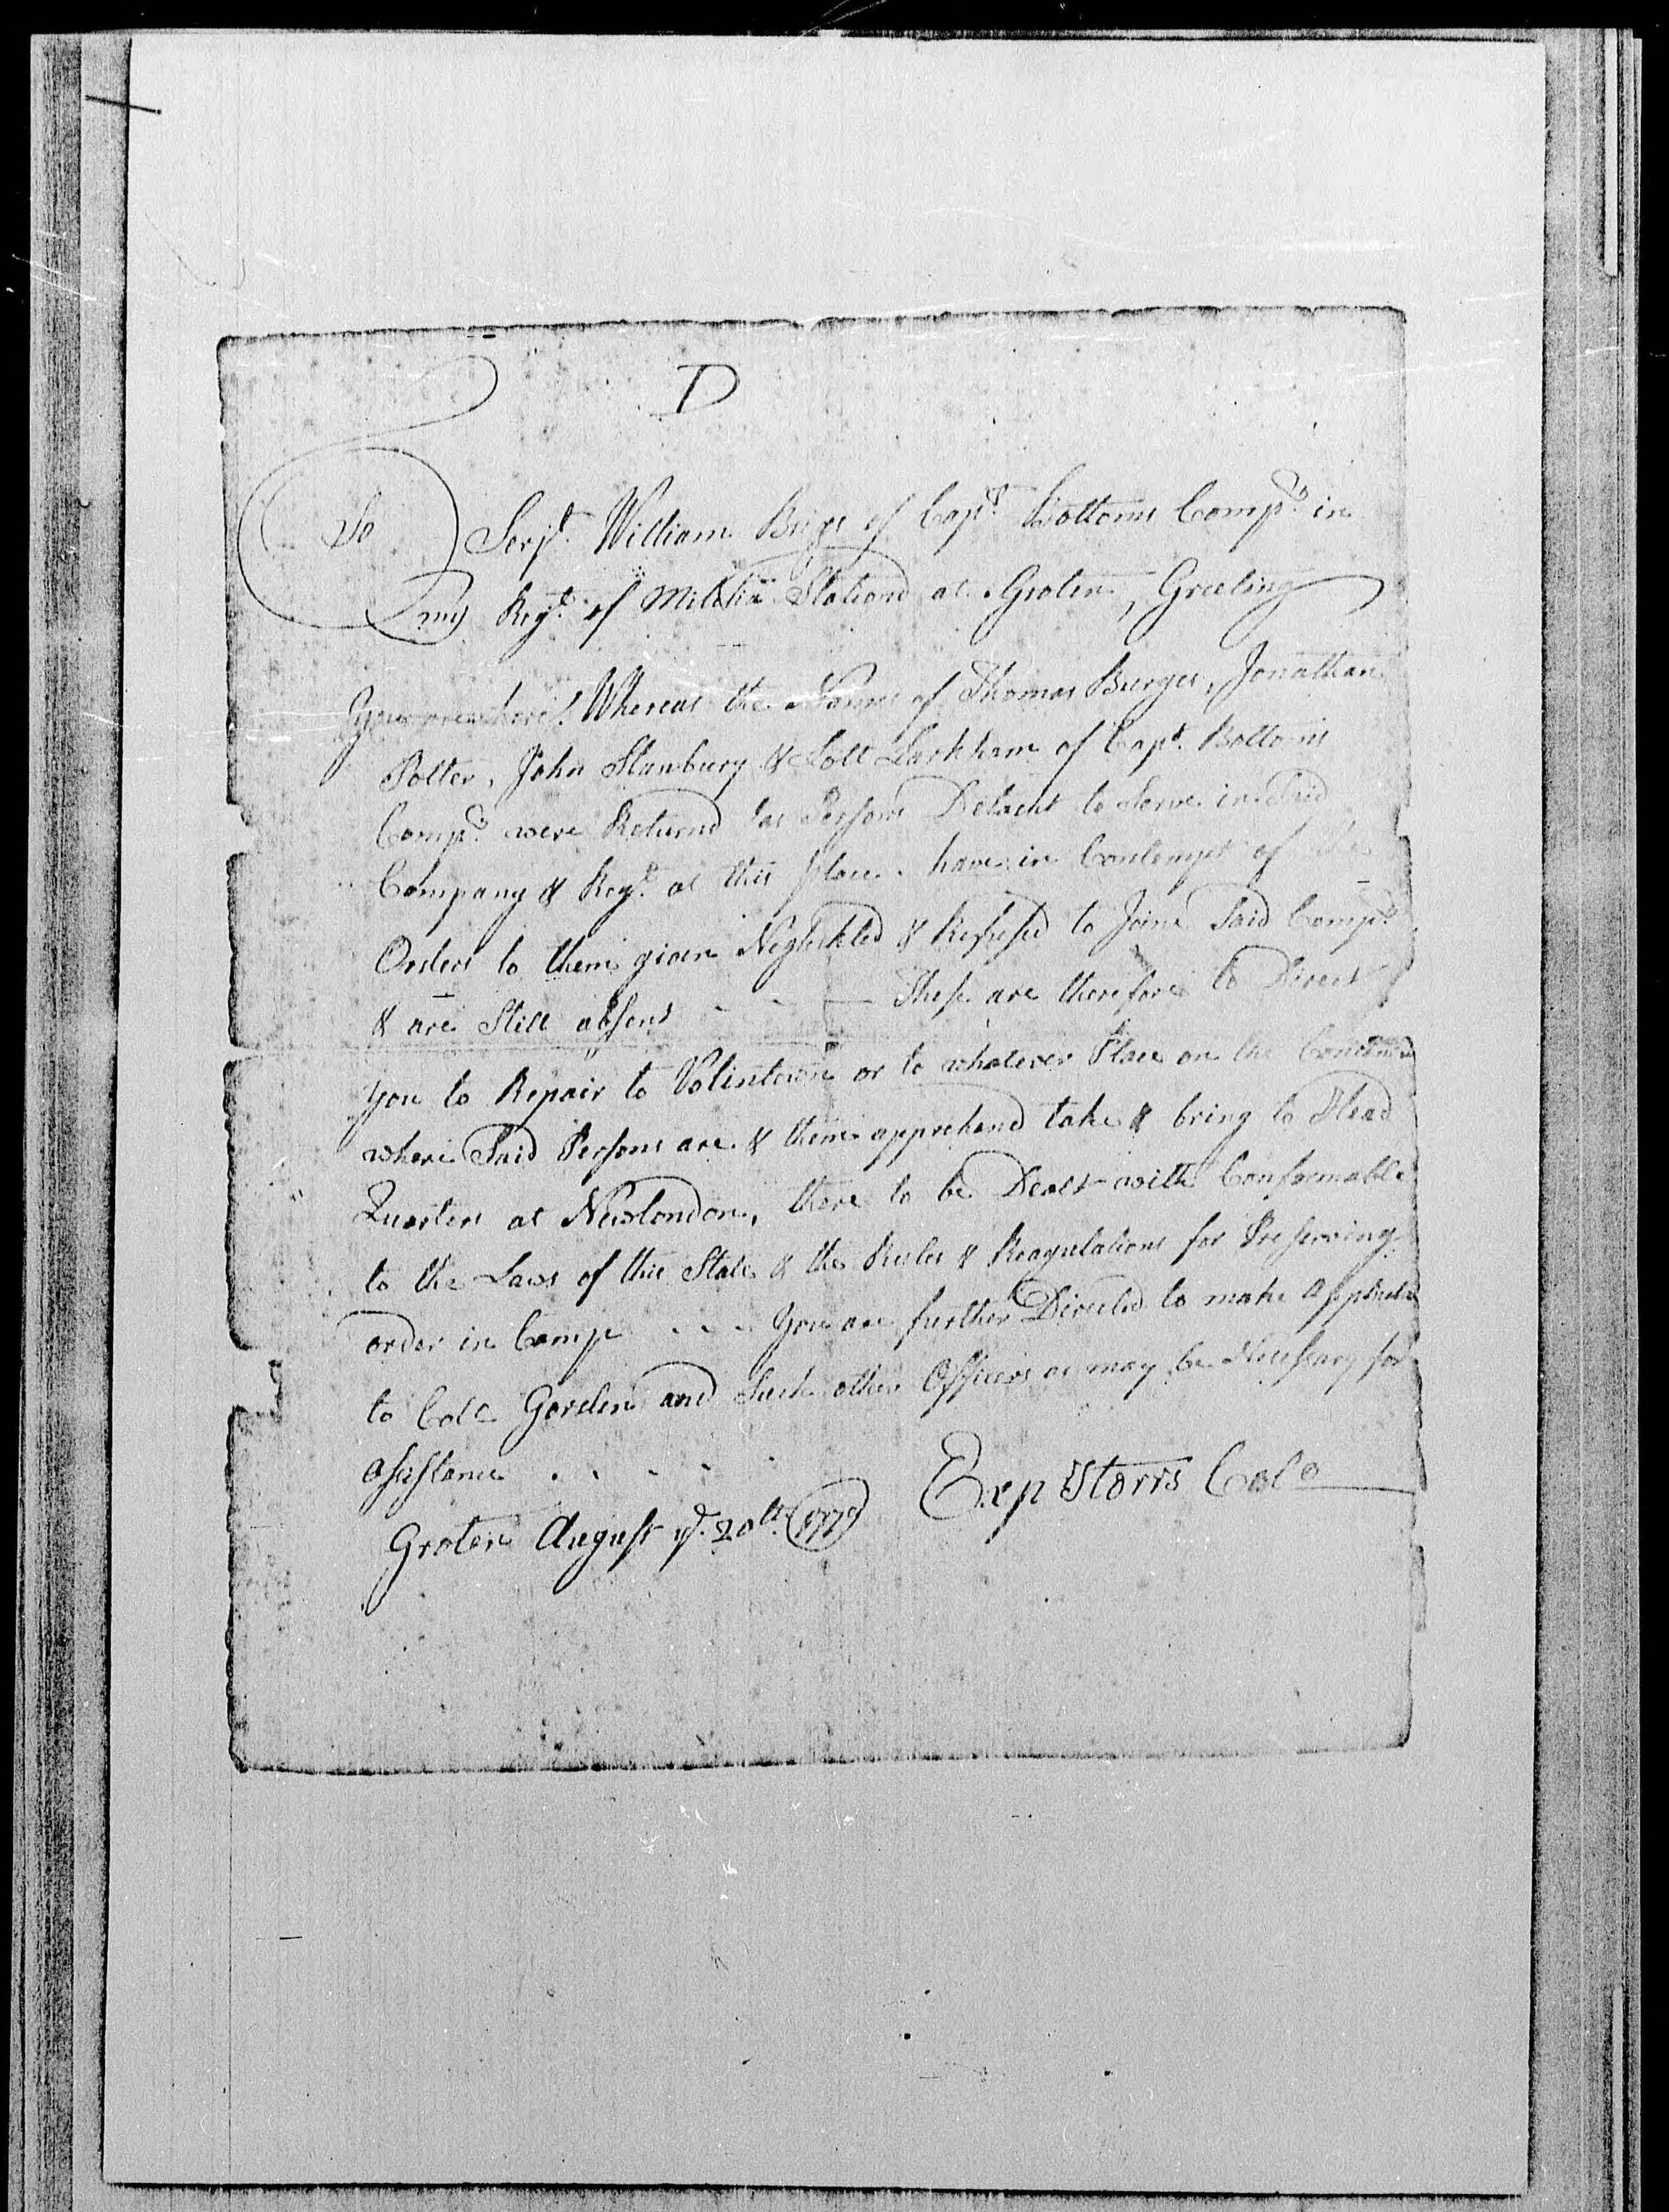D

To Sergt William Briggs of Capt Bottoms Company in army Regt of Micklin Station at Groton,  Greeting  [illegible]  Wherein the names of Thomas Burges, Jonathan Potter, John Stanbury & Lott Larkham of Capt Bottoms Company were returned for Persons detacht  to serve in said Company and Regt at this place, Names in contempt of the Orders to them given neglected & refusal  to join said company & are still absent ...   These are  to  [illegible] you to repair to Voluntown os to whatever place are on the Connecticut shore said persons are ... apprehended take & bring to Headquarters at Newlondon, there to be Dealt-with conformable to the laws of this State & the Rules & Regulations for the assistance to Colo Gordon and said other officers as may be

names: Lott Larkham, Jonathan Potter, William Brigs, Gorden, Thomas Burges, John Stanbury, Exp Storrs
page: 14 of 37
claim: survivor's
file: S. 12,281, William Briggs, Conn.